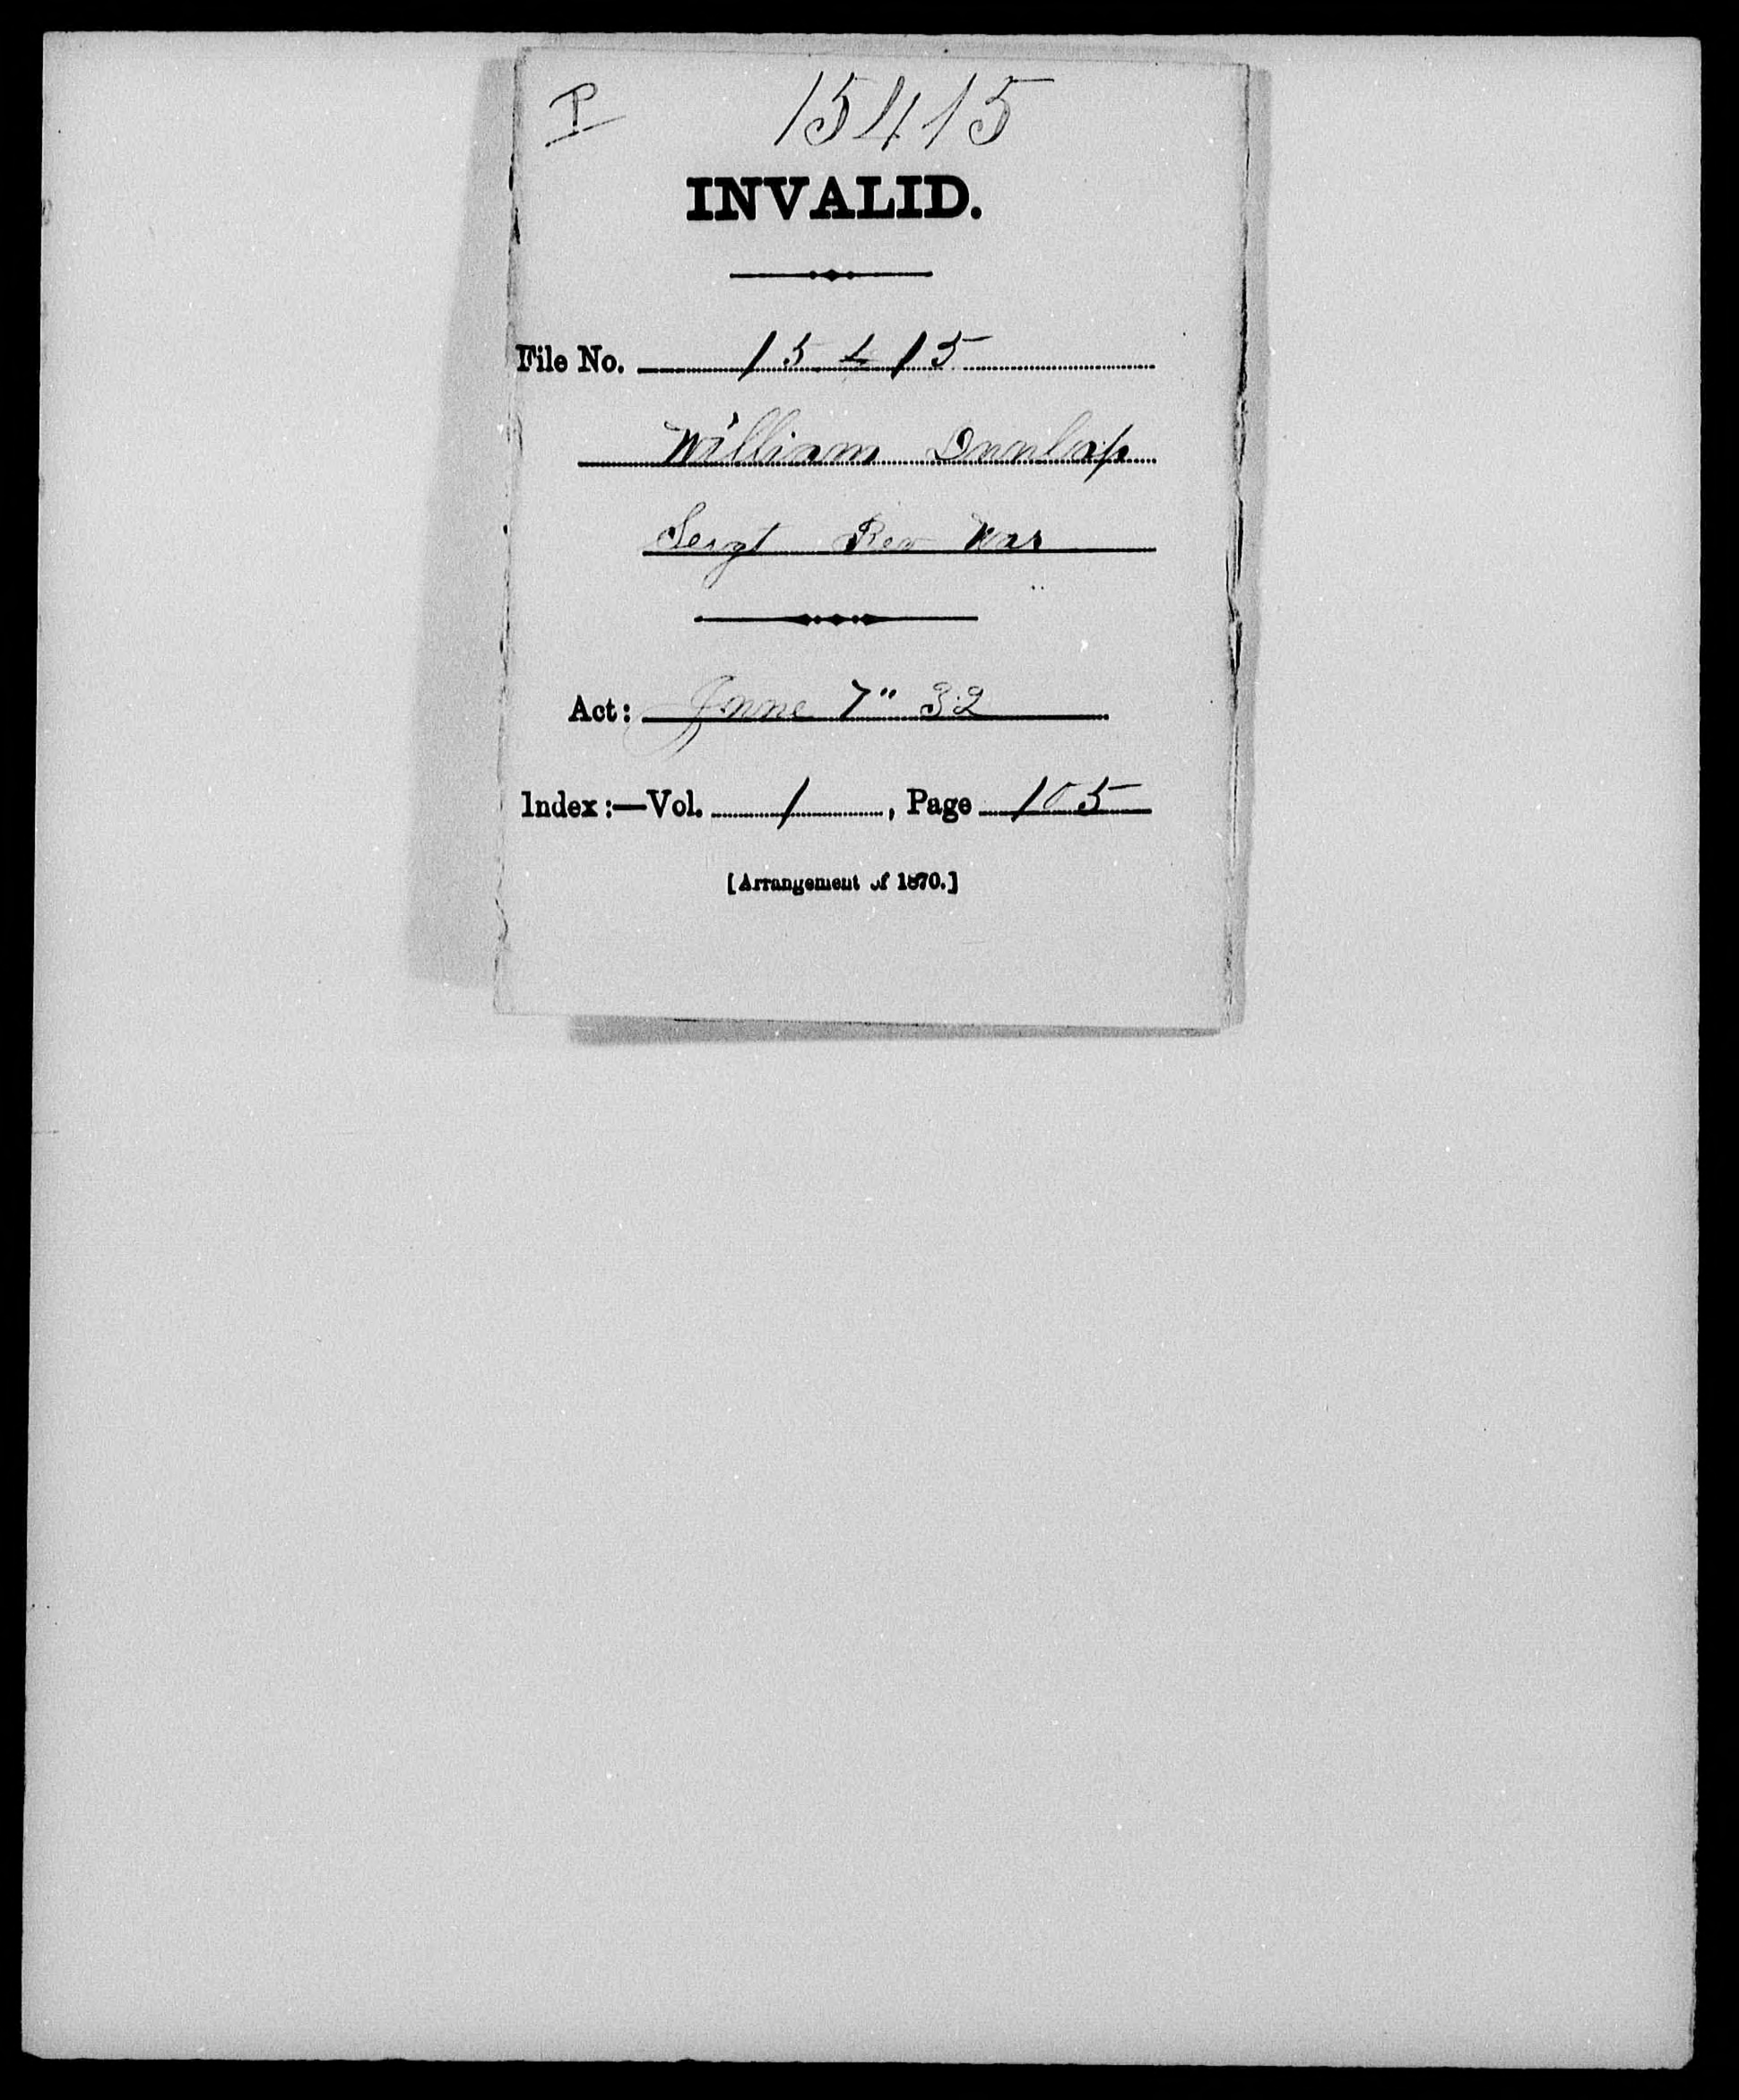I  15415
INVALID.
File No. 15415
William Dunlap
Sergt Rev War
Act: June 7" 32
Index: - Vol. 1, Page 105
[Arrangement of 1870.]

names: William Dunlap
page: 10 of 24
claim: survivor's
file: S. 15,415, William Dunlap, Penn.